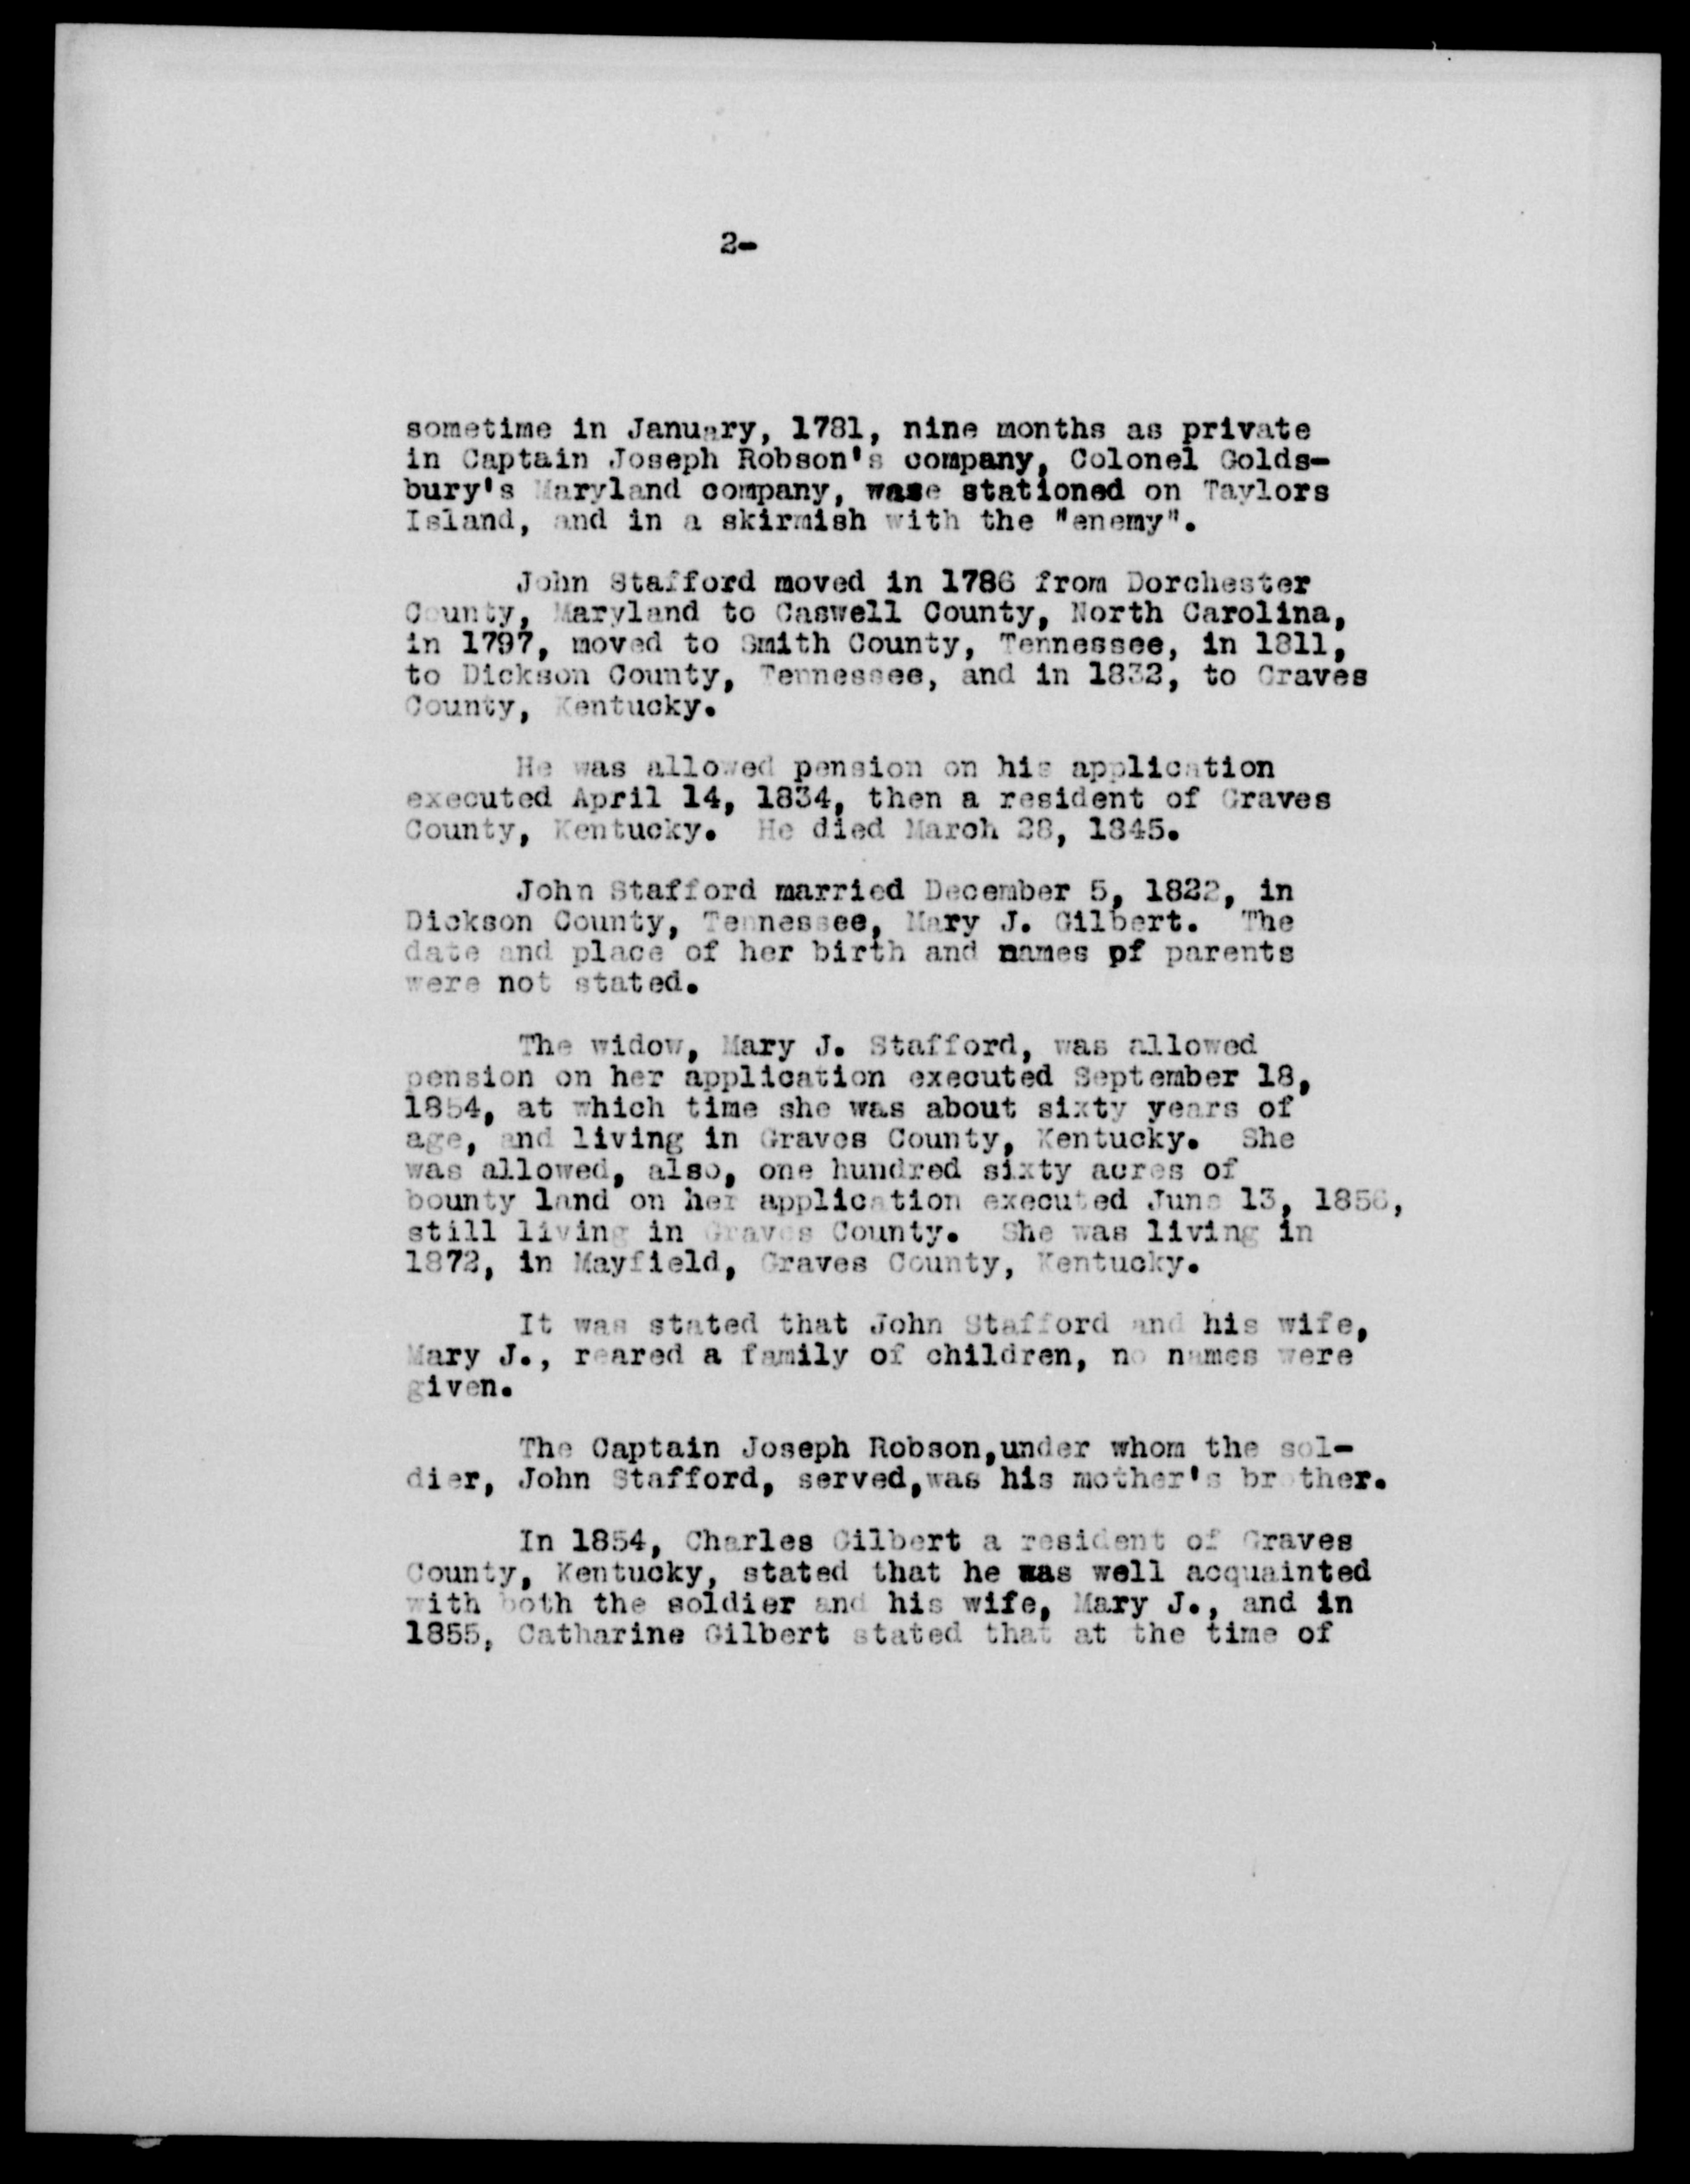2-

sometime in January, 1781, nine months as private in Captain Joseph Robson’s company, Colonel Goldsbury’s Maryland company, wase stationed on Taylors Island, and in a skirmish with the “enemy”.

	John Stafford moved in 1786 from Dorchester County, Maryland to Caswell County, North Carolina, in 1797, moved to Smith County, Tennessee, in 1911, to Dickson County, Tennessee, and in 1832, to Graves County, Kentucky.

	He was allowed pension on his application executed April 14, 1834, then a resident of Graves County, Kentucky. He died March 28, 1845.

	John Stafford married December 5, 1822, in Dickson County, Tennessee, Mary J. Gilbert. The date and place of her birth and names of parents were not stated.

	The widow, Mary J. Stafford, was allowed pension on her application executed September 18, 1854, at which time she was about sixty years of age, and living in Graves County, Kentucky. She was allowed, also, one hundred sixty acres of bounty land on her application executed June 13, 1856, still living in Graves County. She was living in 1872, in Mayfield, Graves County, Kentucky.

	It was stated that John Stafford and his wife, Mary J., reared a family of children, no names were given.

	The Captain Joseph Robson, under whom the soldier, John Stafford, served, was his mother’s brother.

	In 1854, Charles Gilbert a resident of Graves County, Kentucky, stated that he was well acquainted with both the soldier and his wife, Mary J., and in 1855, Catherine Gilbert stated that at the time of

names: John Stafford; Joseph Robson; Catharine Gilbert; Mary J [BLANK]; Mary J Stafford; John Stafford; John Stafford; Mary J [BLANK]; John Stafford; Mary J Gilbert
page: 21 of 61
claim: widow's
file: W. 11554, for John Stafford, Maryland